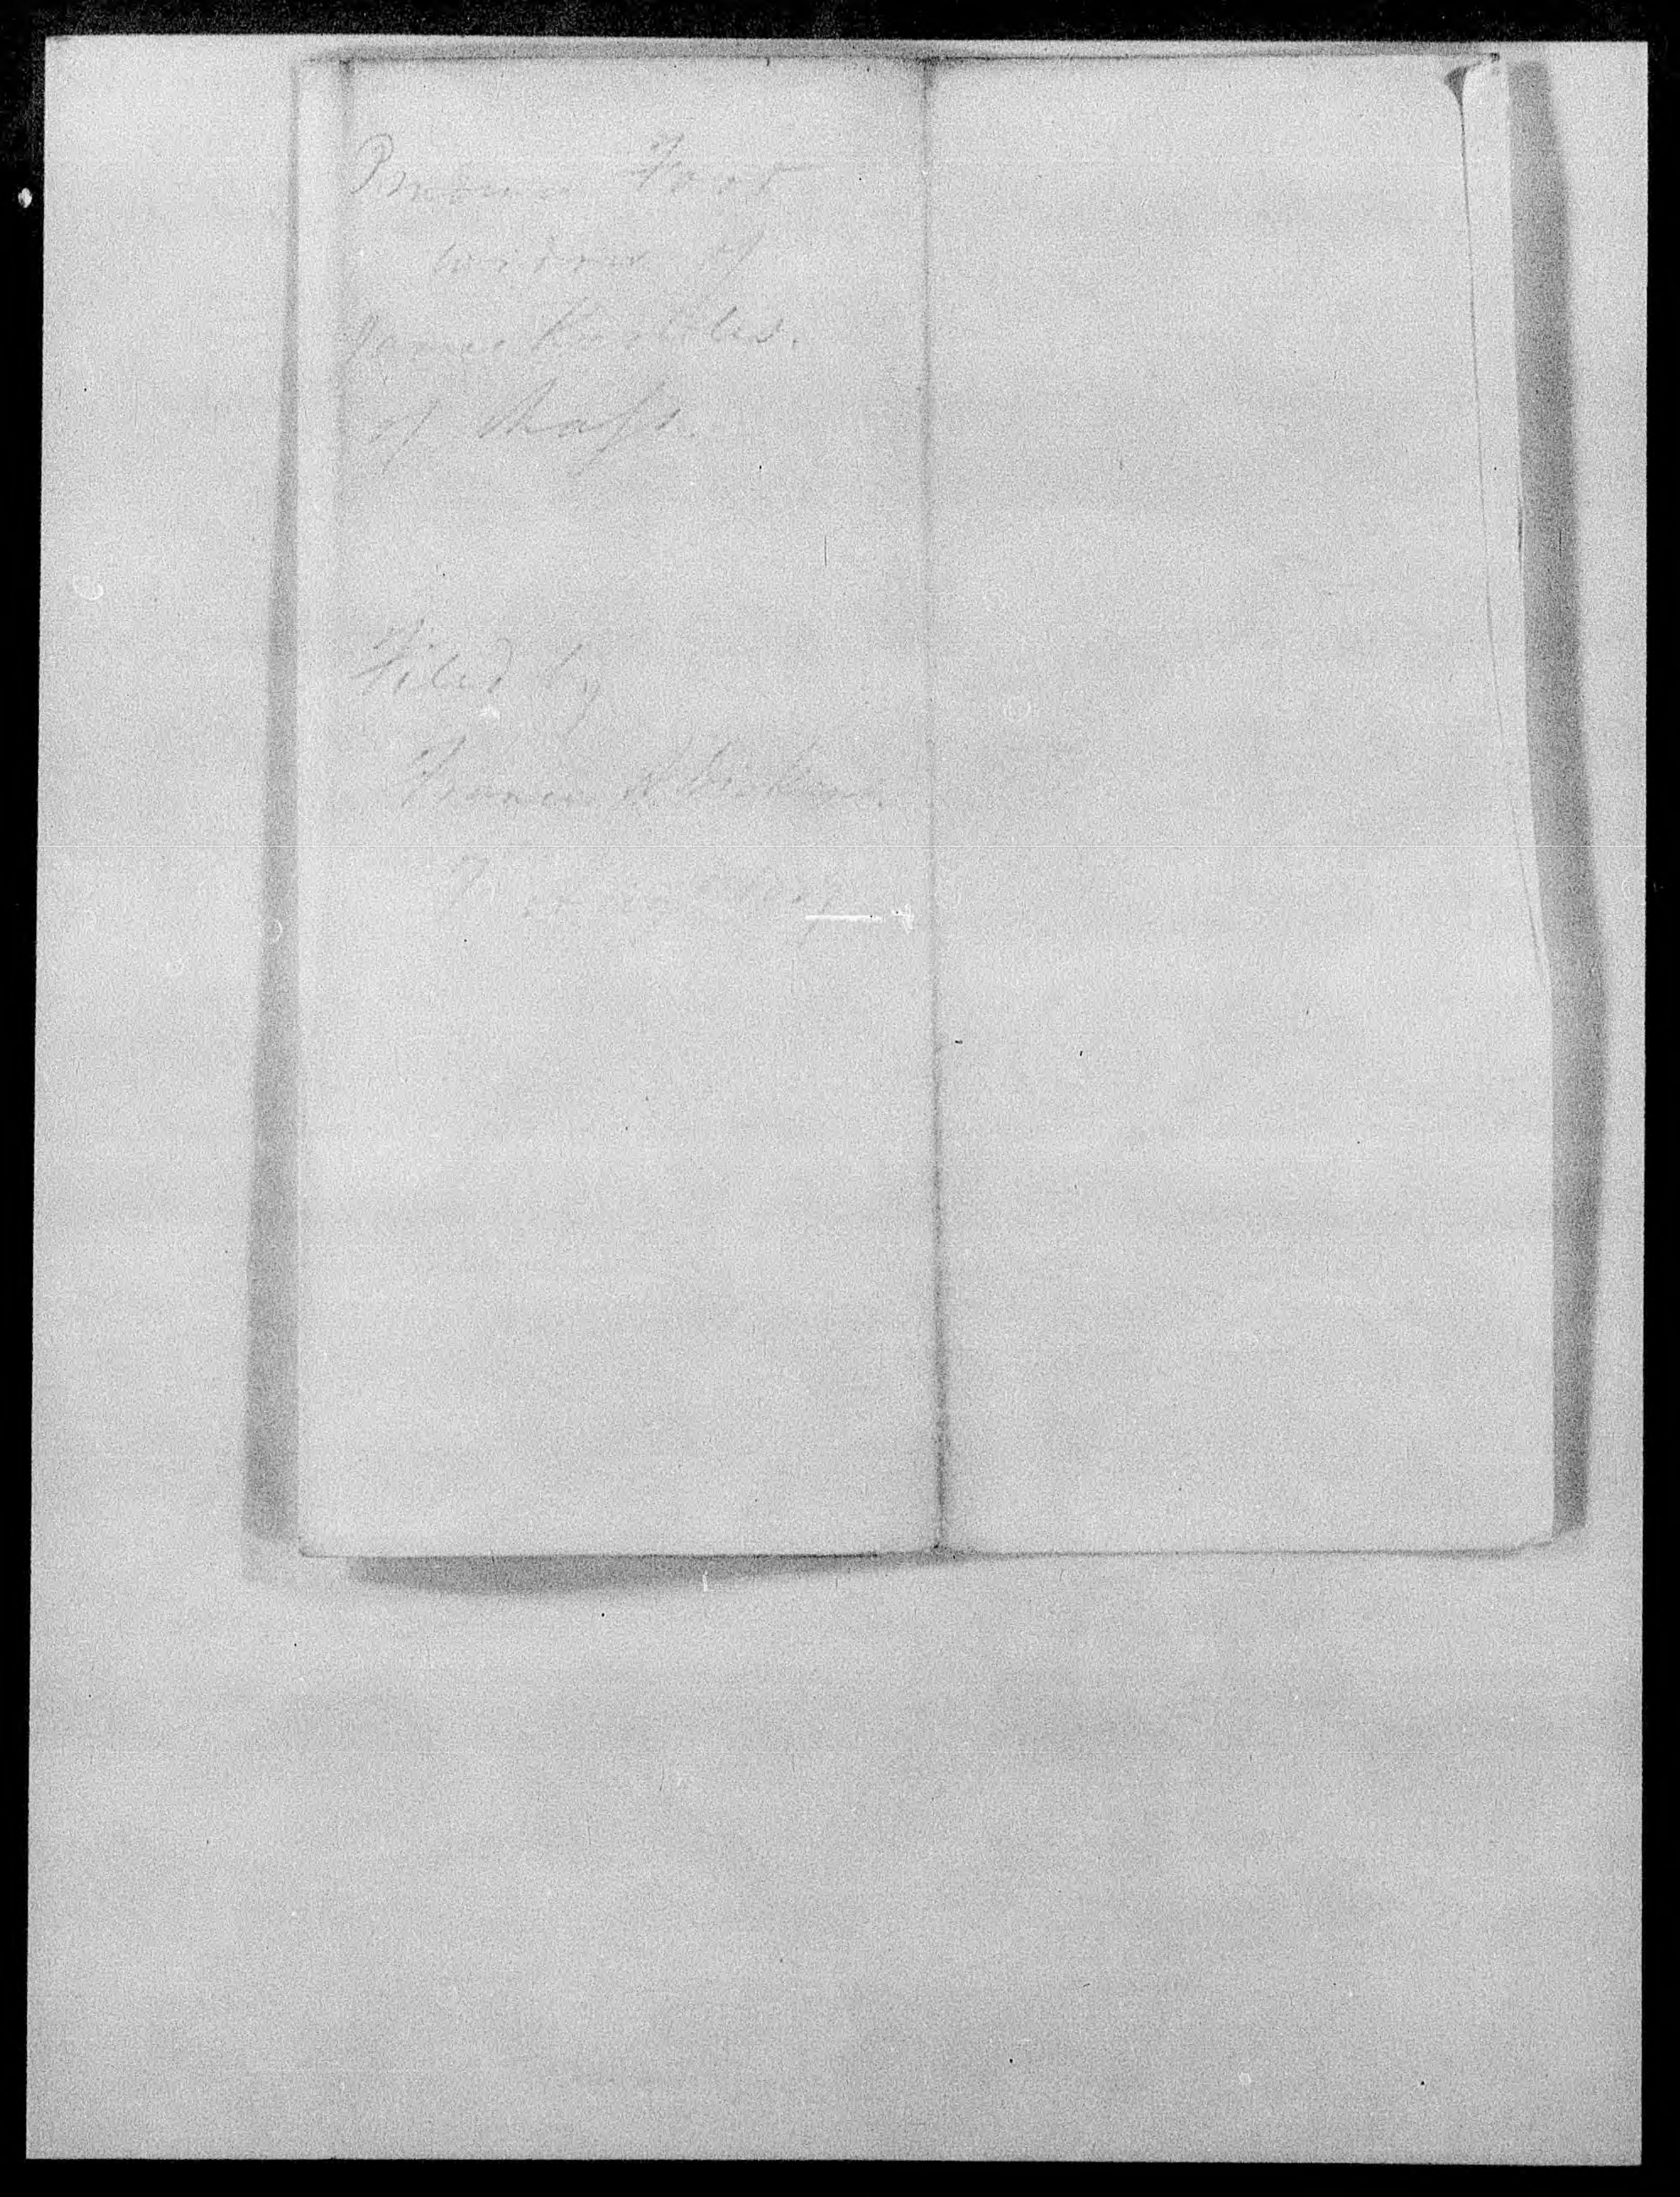Prudence Foot
widow of
James Knowles
of Mass

Filed by 
(illegible words)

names: James Knowles; Prudence Foot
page: 25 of 60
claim: widow's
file: W. 14,036, for James Knowles, Connecticut